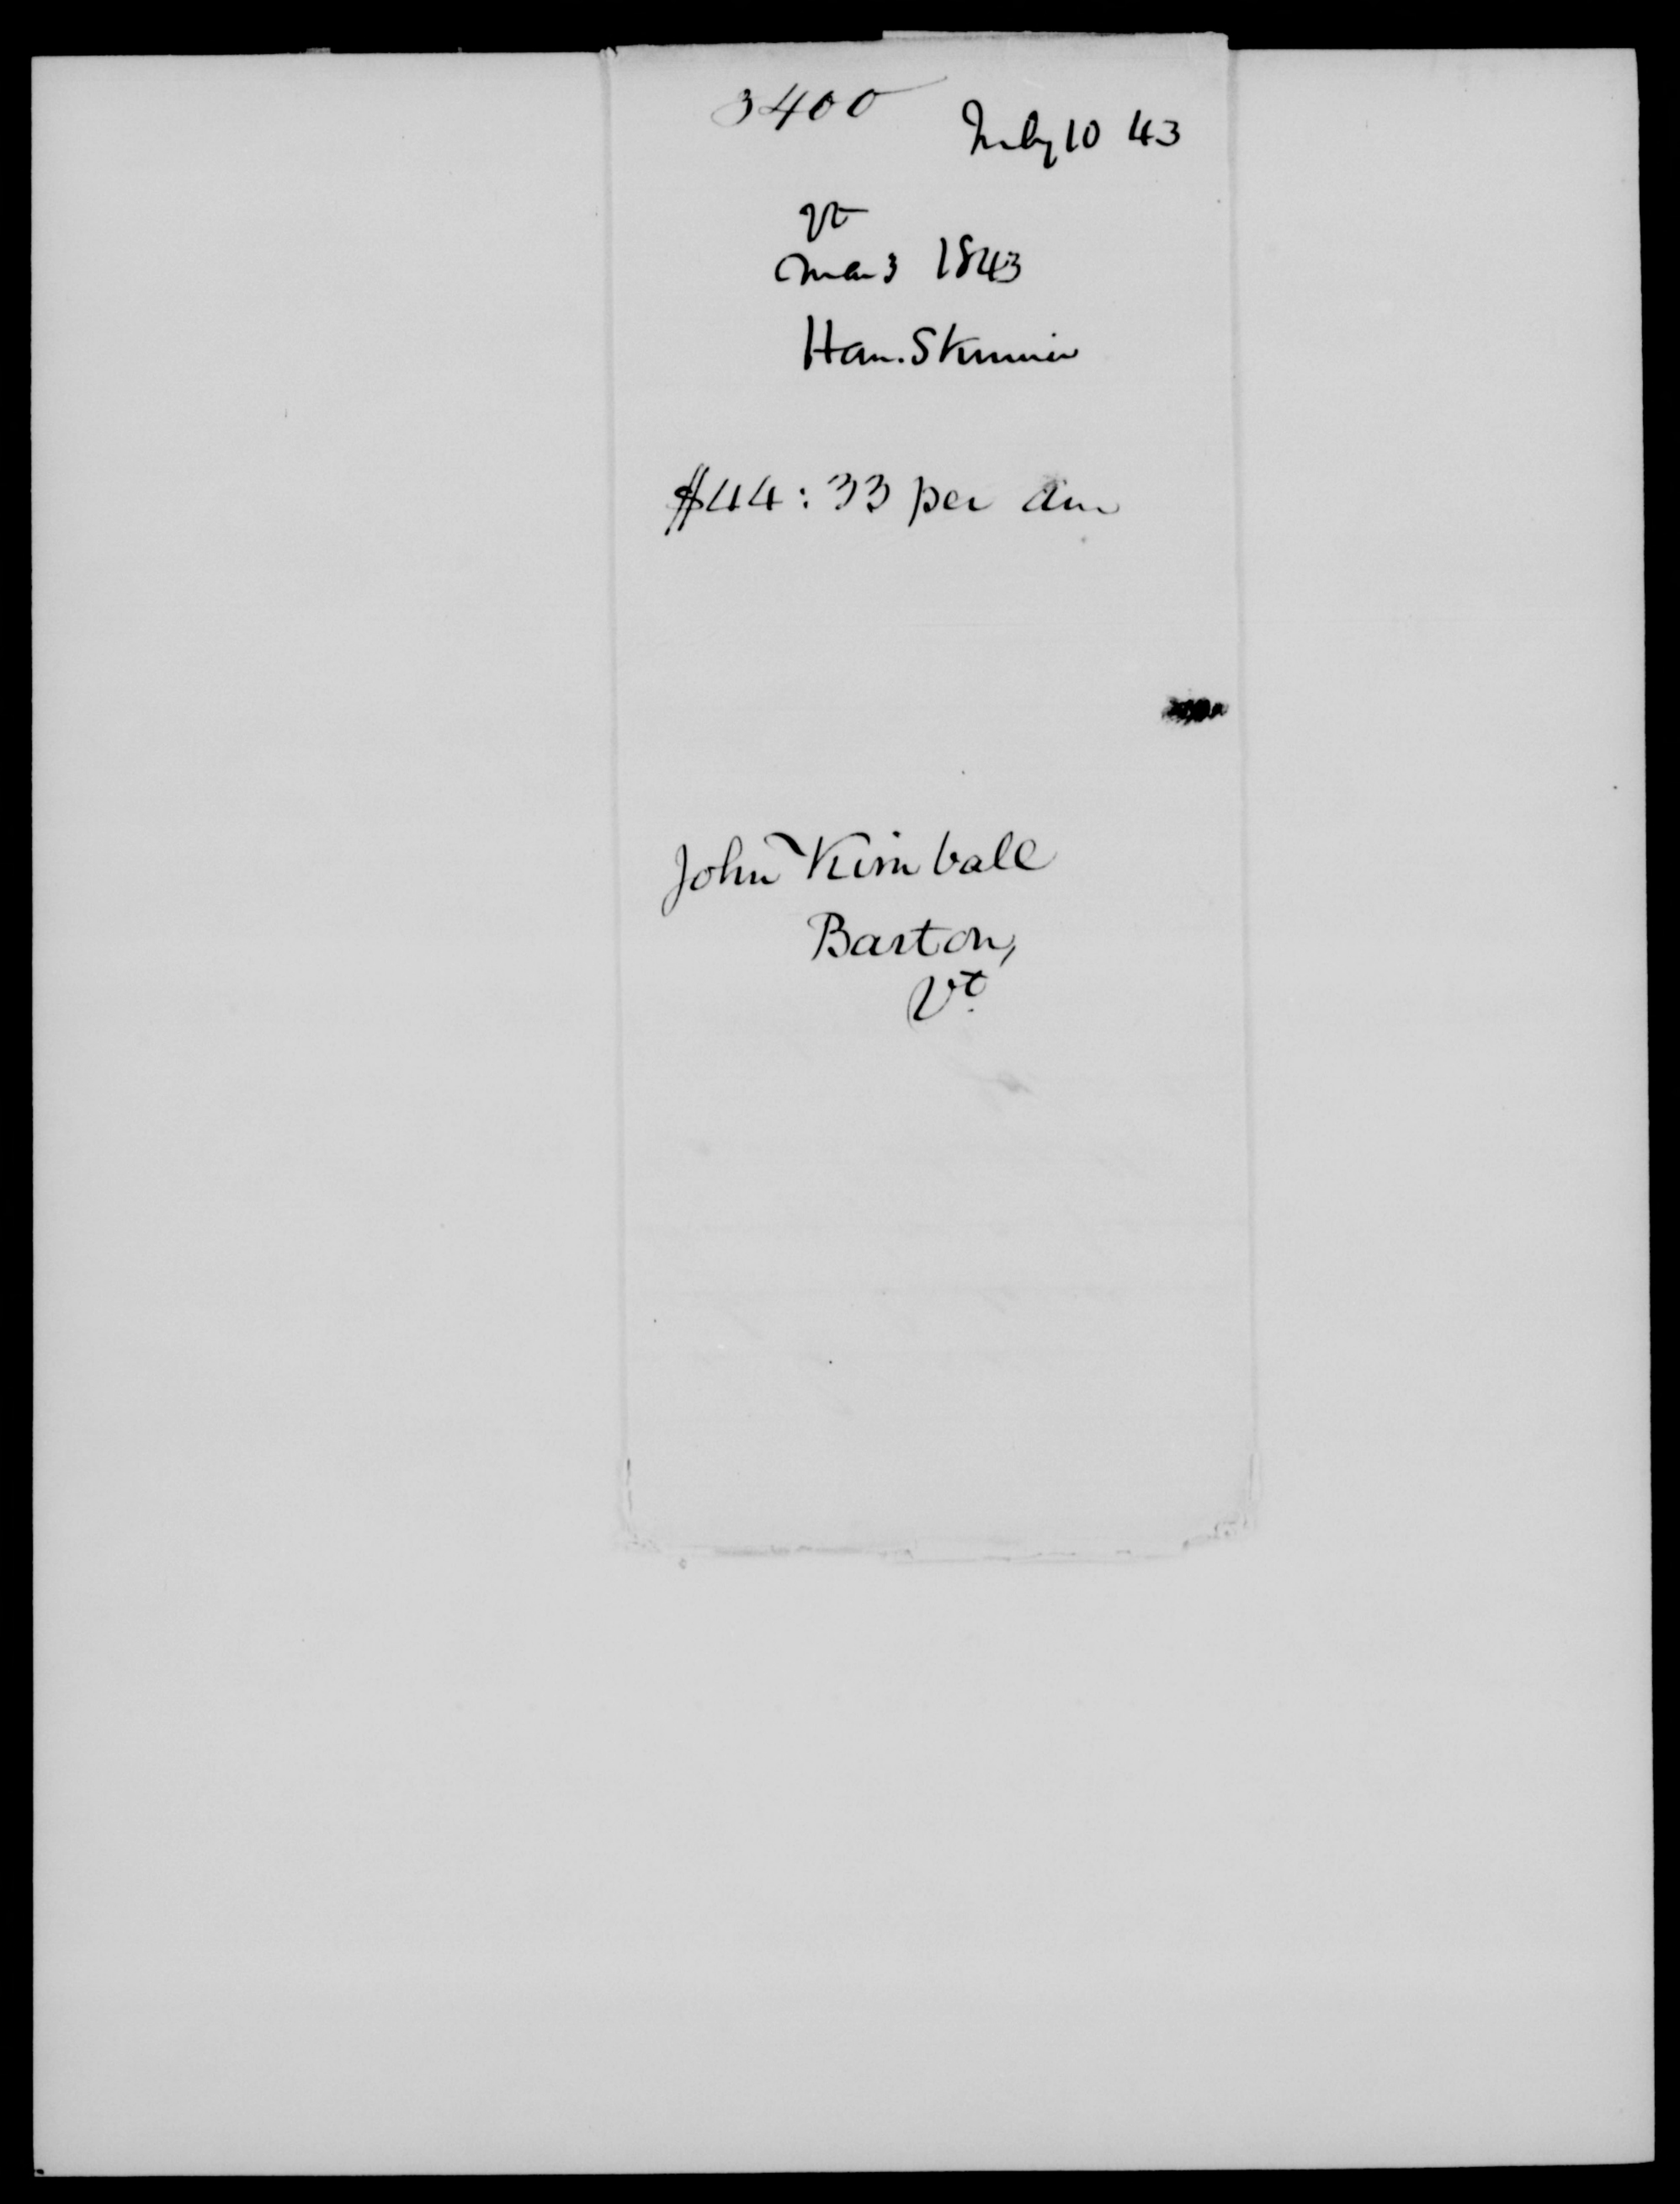3400
July 10 43
Vt.
Mar. 3 1843
Han. Skinner

$44:33 per ann.

John Kimball
Barton, Vt.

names: John Kimball; [BLANK] Skinner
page: 26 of 46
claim: widow's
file: W. 24976, for Daniel Skinner, New Hampshire